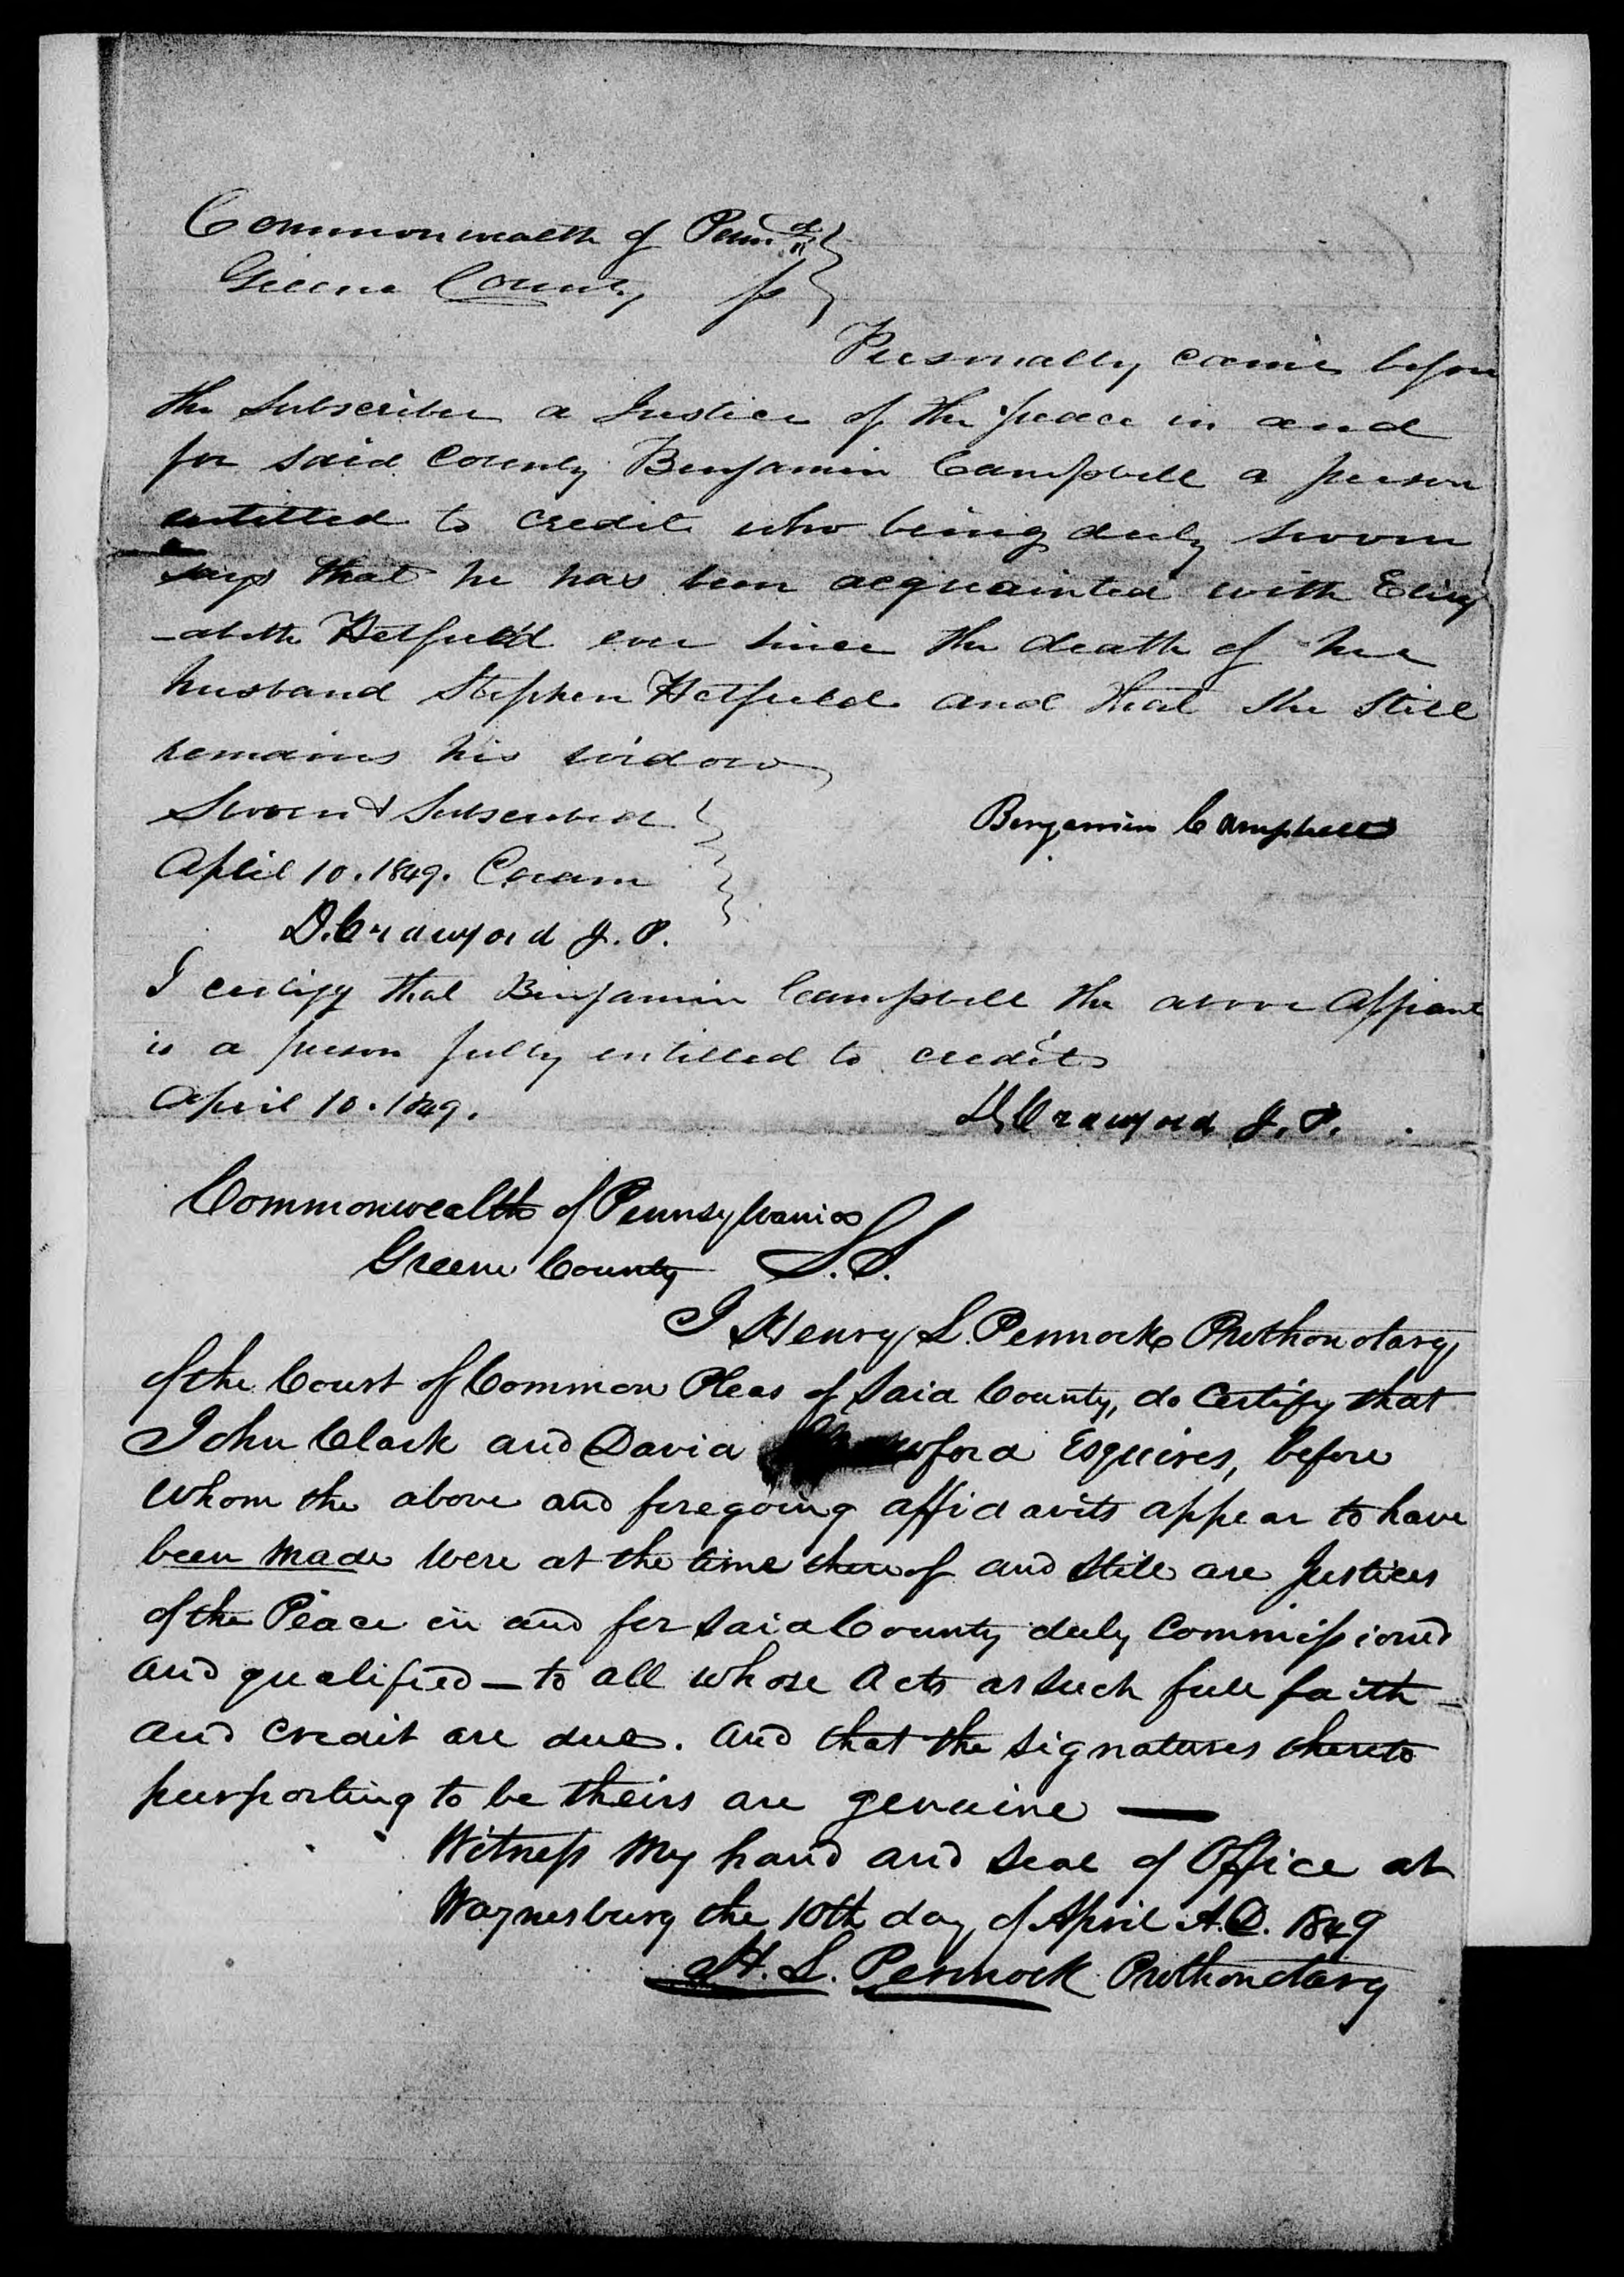Commonwealth of Penn [illegible superscript]
Greene County  Ss

Personally came before
the Subscriber a Justice of the peace in and
for said county Benjamin Campbell a person
entitled to credit who being duly Sworn
says that he has been acquainted with Elizabeth
Hetfield ever since the death of her
husband Stephen Hetfield and that she still
remains his widow

Sworn & Subscribed
April 10, 1849.  Coram
D. Crawford  J.P.

Benjamin Campbell

I certify that Benjamin Campbell the above affiant
is a person fully entitled to credit

D. Crawford  J.P.

Commonwealth of Pennsylvania
Greene County  S.S.

I Henry L.  Pennock Prothonotary
of the Court of Common Pleas of said County, do certify that
John Clark and David Crawford Esquires before
whom the above and foregoing affidavits appear to have
been made were at the time thereof and  still are Justices
of the Peace in and for said County duly commissioned
and qualified - to all whose acts as such full faith
and credit are due. And that the signatures thereto
purporting to be theirs are genuine

Witness my hand and Seal of office at
Waynesburg the 10th day of April A.D. 1849

H.L. Pennock [underlined]  Prothonotary

[There is a faint outline of a round seal to the left of the signature.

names: Henry L Pennock, D Crawford, Benjamin Campbell, D Crawford, John Clark, Benjamin Campbell, David Crawford, Benjamin Campbell, Stephen Hetfield, H L Pennock, Elizabeth Hetfield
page: 17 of 45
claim: widow's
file: W. 2734, Stephen Hetfield, New Jersey